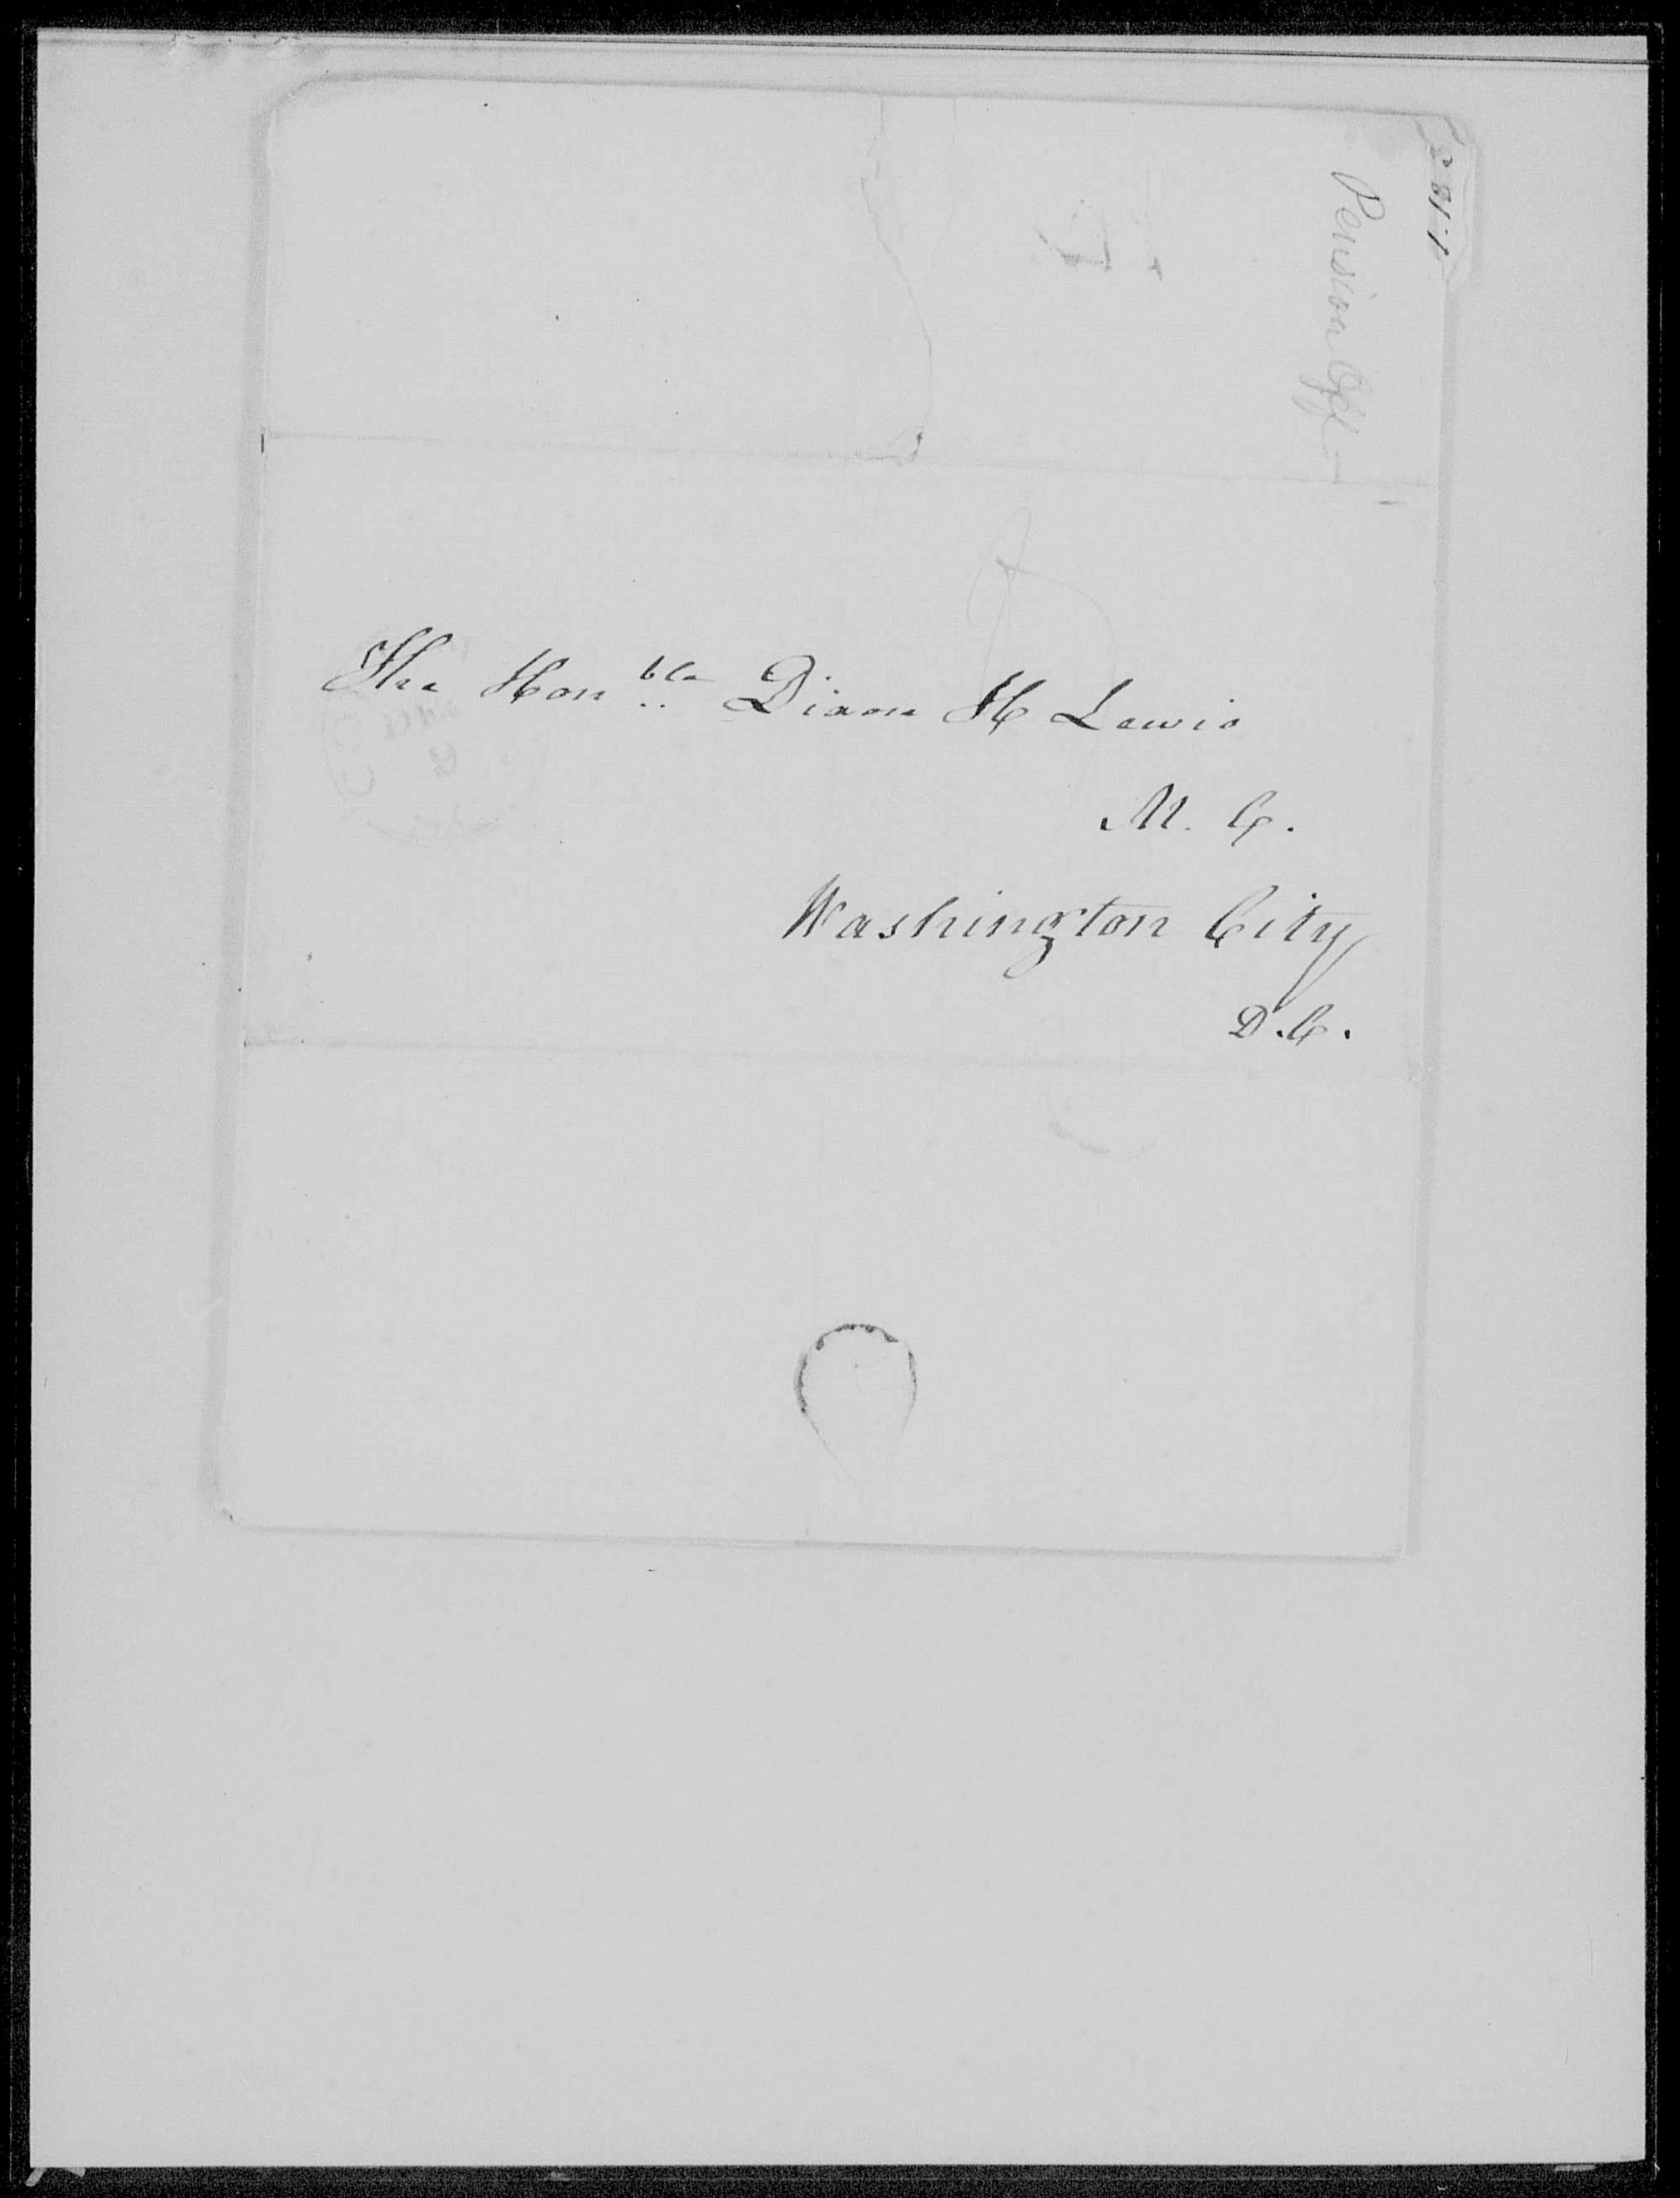The Honble. Dixon H. Lewis
M. C.
Washington City
D.C


[vertically written text going from top to bottom of page written in upper right corner of page as follows:]
2. 31.1
Pension Off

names: Dixon H Lewis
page: 11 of 31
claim: survivor's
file: S. 14802, Thomas Ward, S.C.